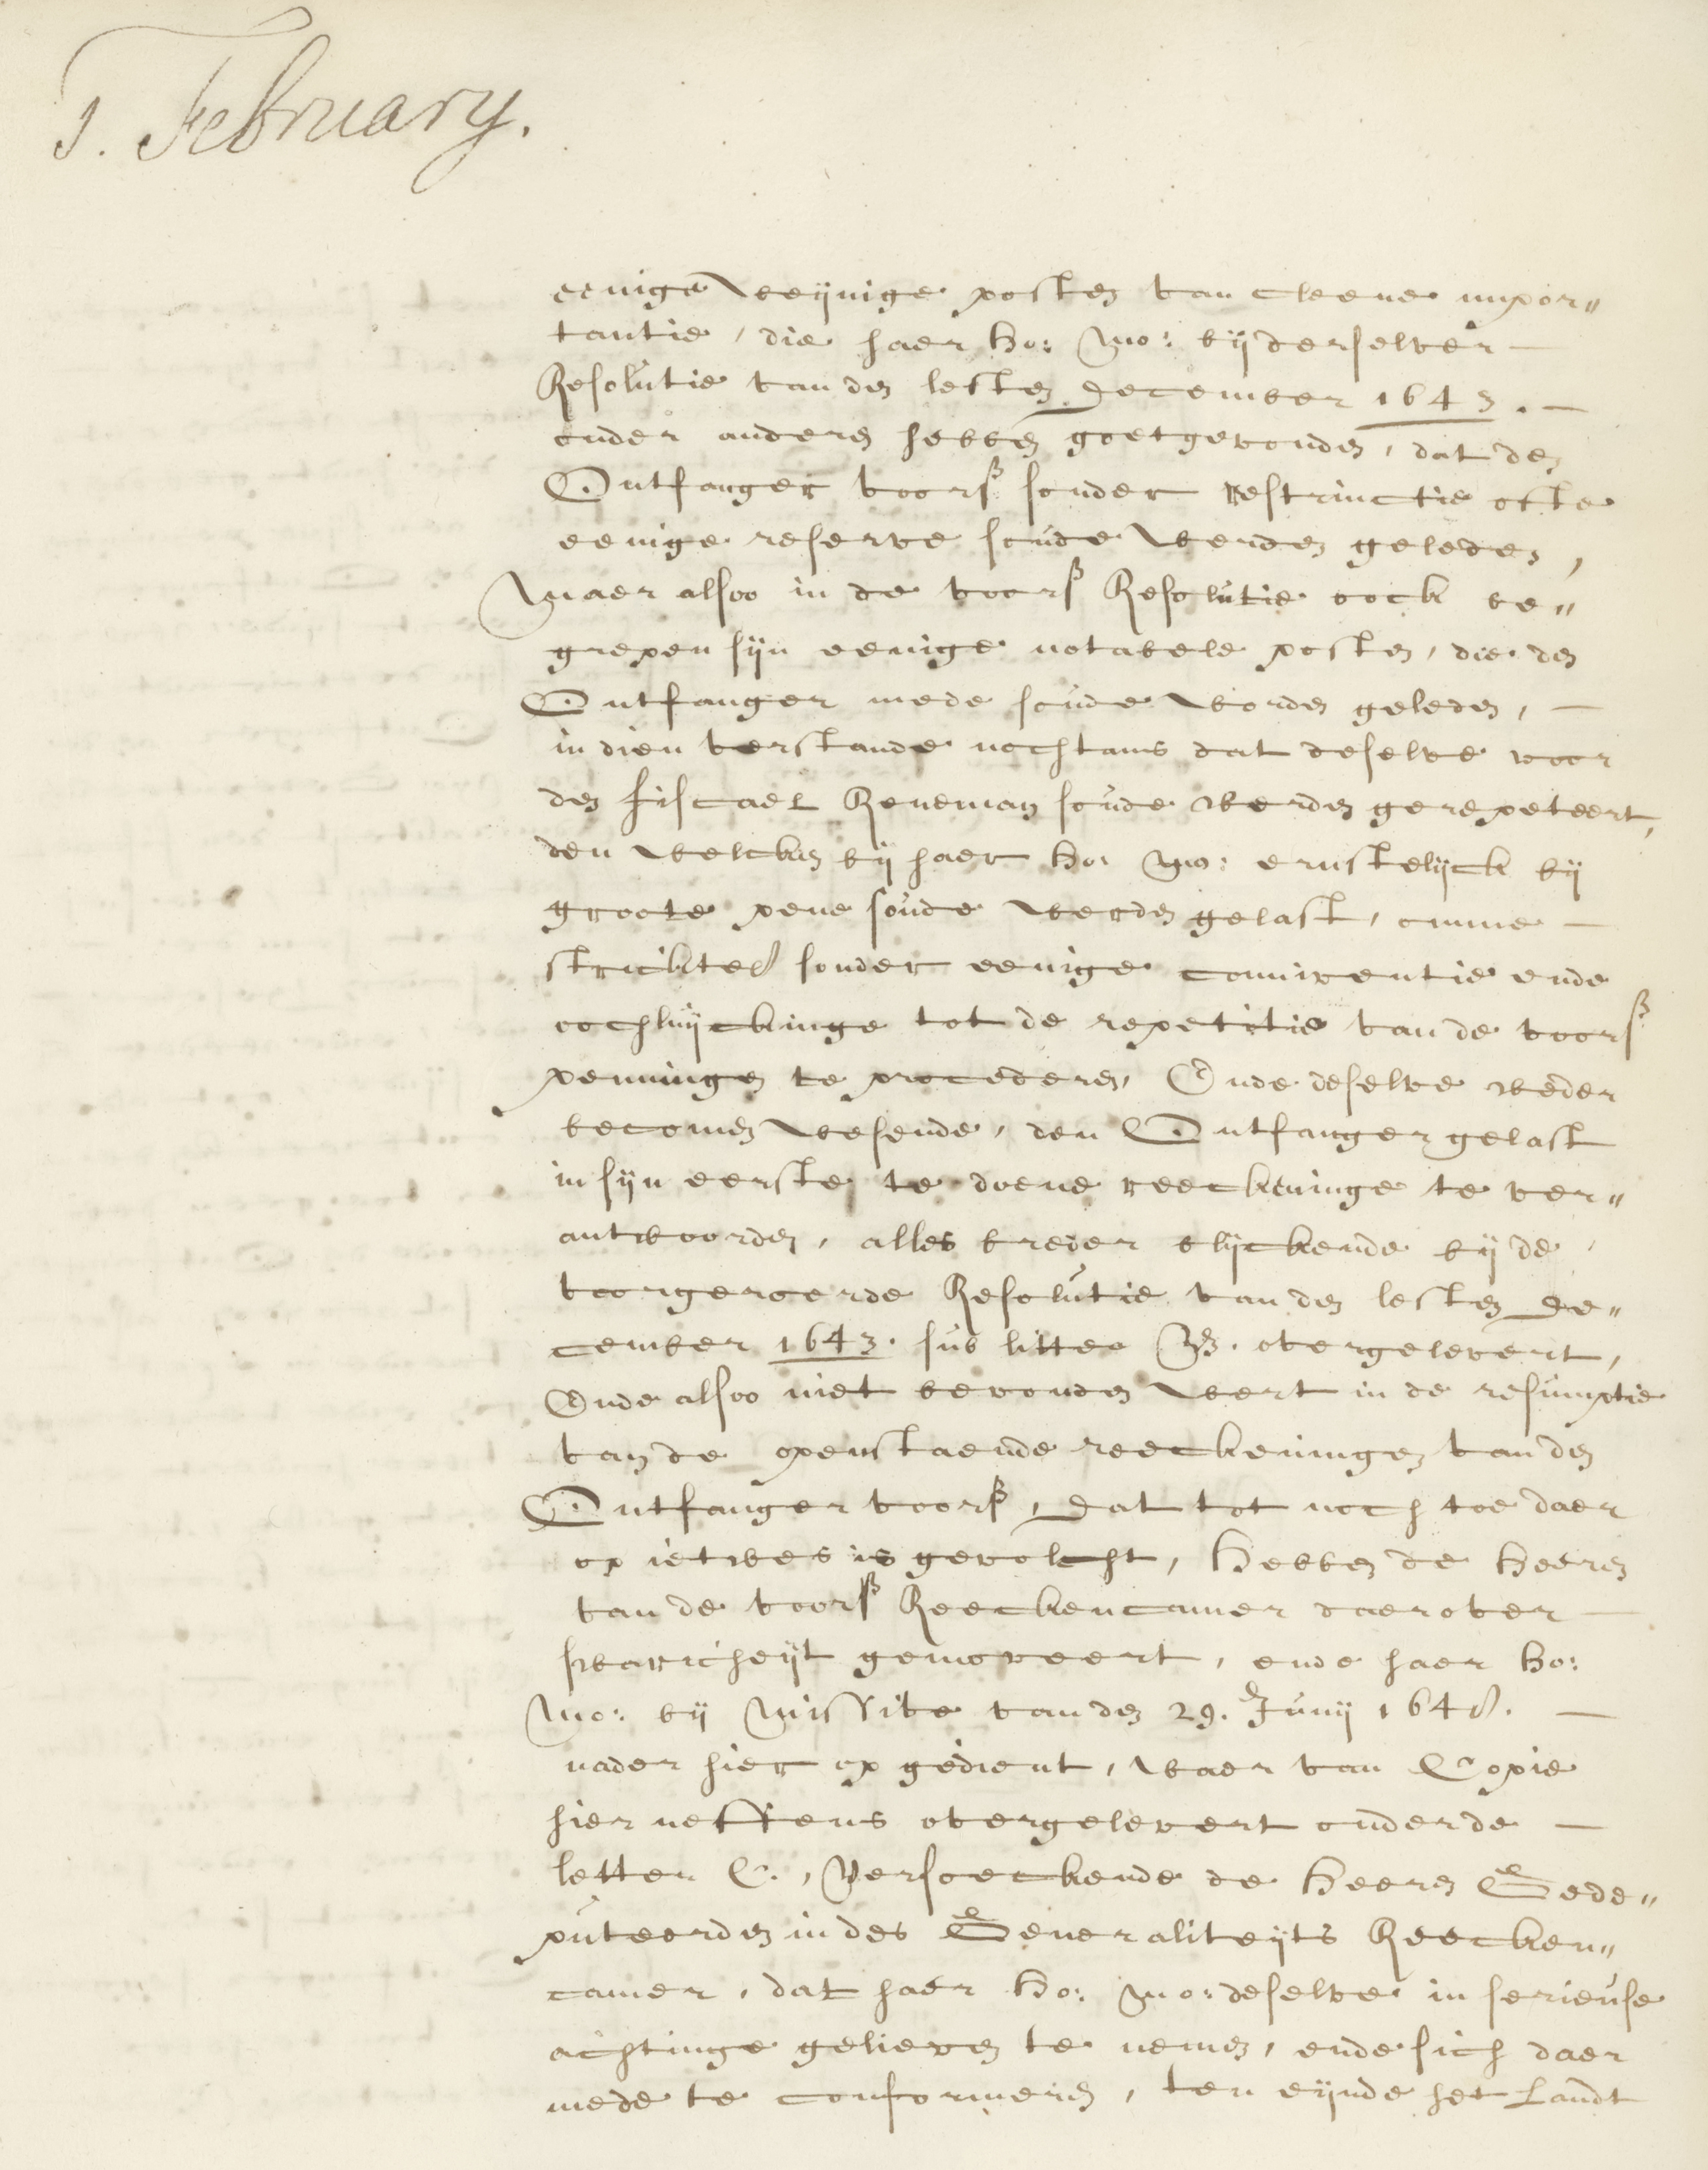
1. February.
eenige weijnige posten van cleene impor„
tantie, die haer Ho:Mo: bij derselver
Resolutie van den lesten december 1643. -
onder anderen hebben goetgevonden, dat de
Ontfanger voors sonder restrinctie ofte
eenige reseve soude werden geleden.
Maer alsoo in de voors Resolutie oock be„
grepen sijn eenige notabele posten, die den
Ontfanger mede soude worden geleden,
in dien verstande nochtans dat deselve voor
den fiscael Reneman soude werden gerepeteert
den welcken bij haer Ho:Mo: ernstelijck bij
groote pene soude werden gelast, omme
stricktel sonder eenige conniventie ende
oochluijckinge tot de repetitie van de voors
penningen te procederen, Ende deselve weder
becomen wesende, den Ontfanger gelast
in sijn eerste te doene reeckeninge te ver„
antwoorden, alles breder blijckende bij de
voorgeroerde Resolutie van den lesten de„
cember 1643. sub littea B. overgelevert.
Ende alsoo niet bevonden wert in de resumptie
van de openstaende reeckeningen van den
Ontfanger voors, Dat tot noch toe daer
op ietwes is gevolcht, Hebben de Heeren
van de voors Reeckencamer daerover
swaricheijt gemoveert, ende haer Ho:
Mo: bij missive van den 29. Junij 1648.
nader hier op gedient, Waer van Copie
hier neffens overgelevert onder de
letter C., versoeckende de Heeren Gede„
puteerden in des Generaliteijts Reecken„
camer, dat haer Ho:Mo: deselve in serieuse
achtinge gelieven te nemen, ende sich daer
mede te conformeren, ten eijnde het Landt
